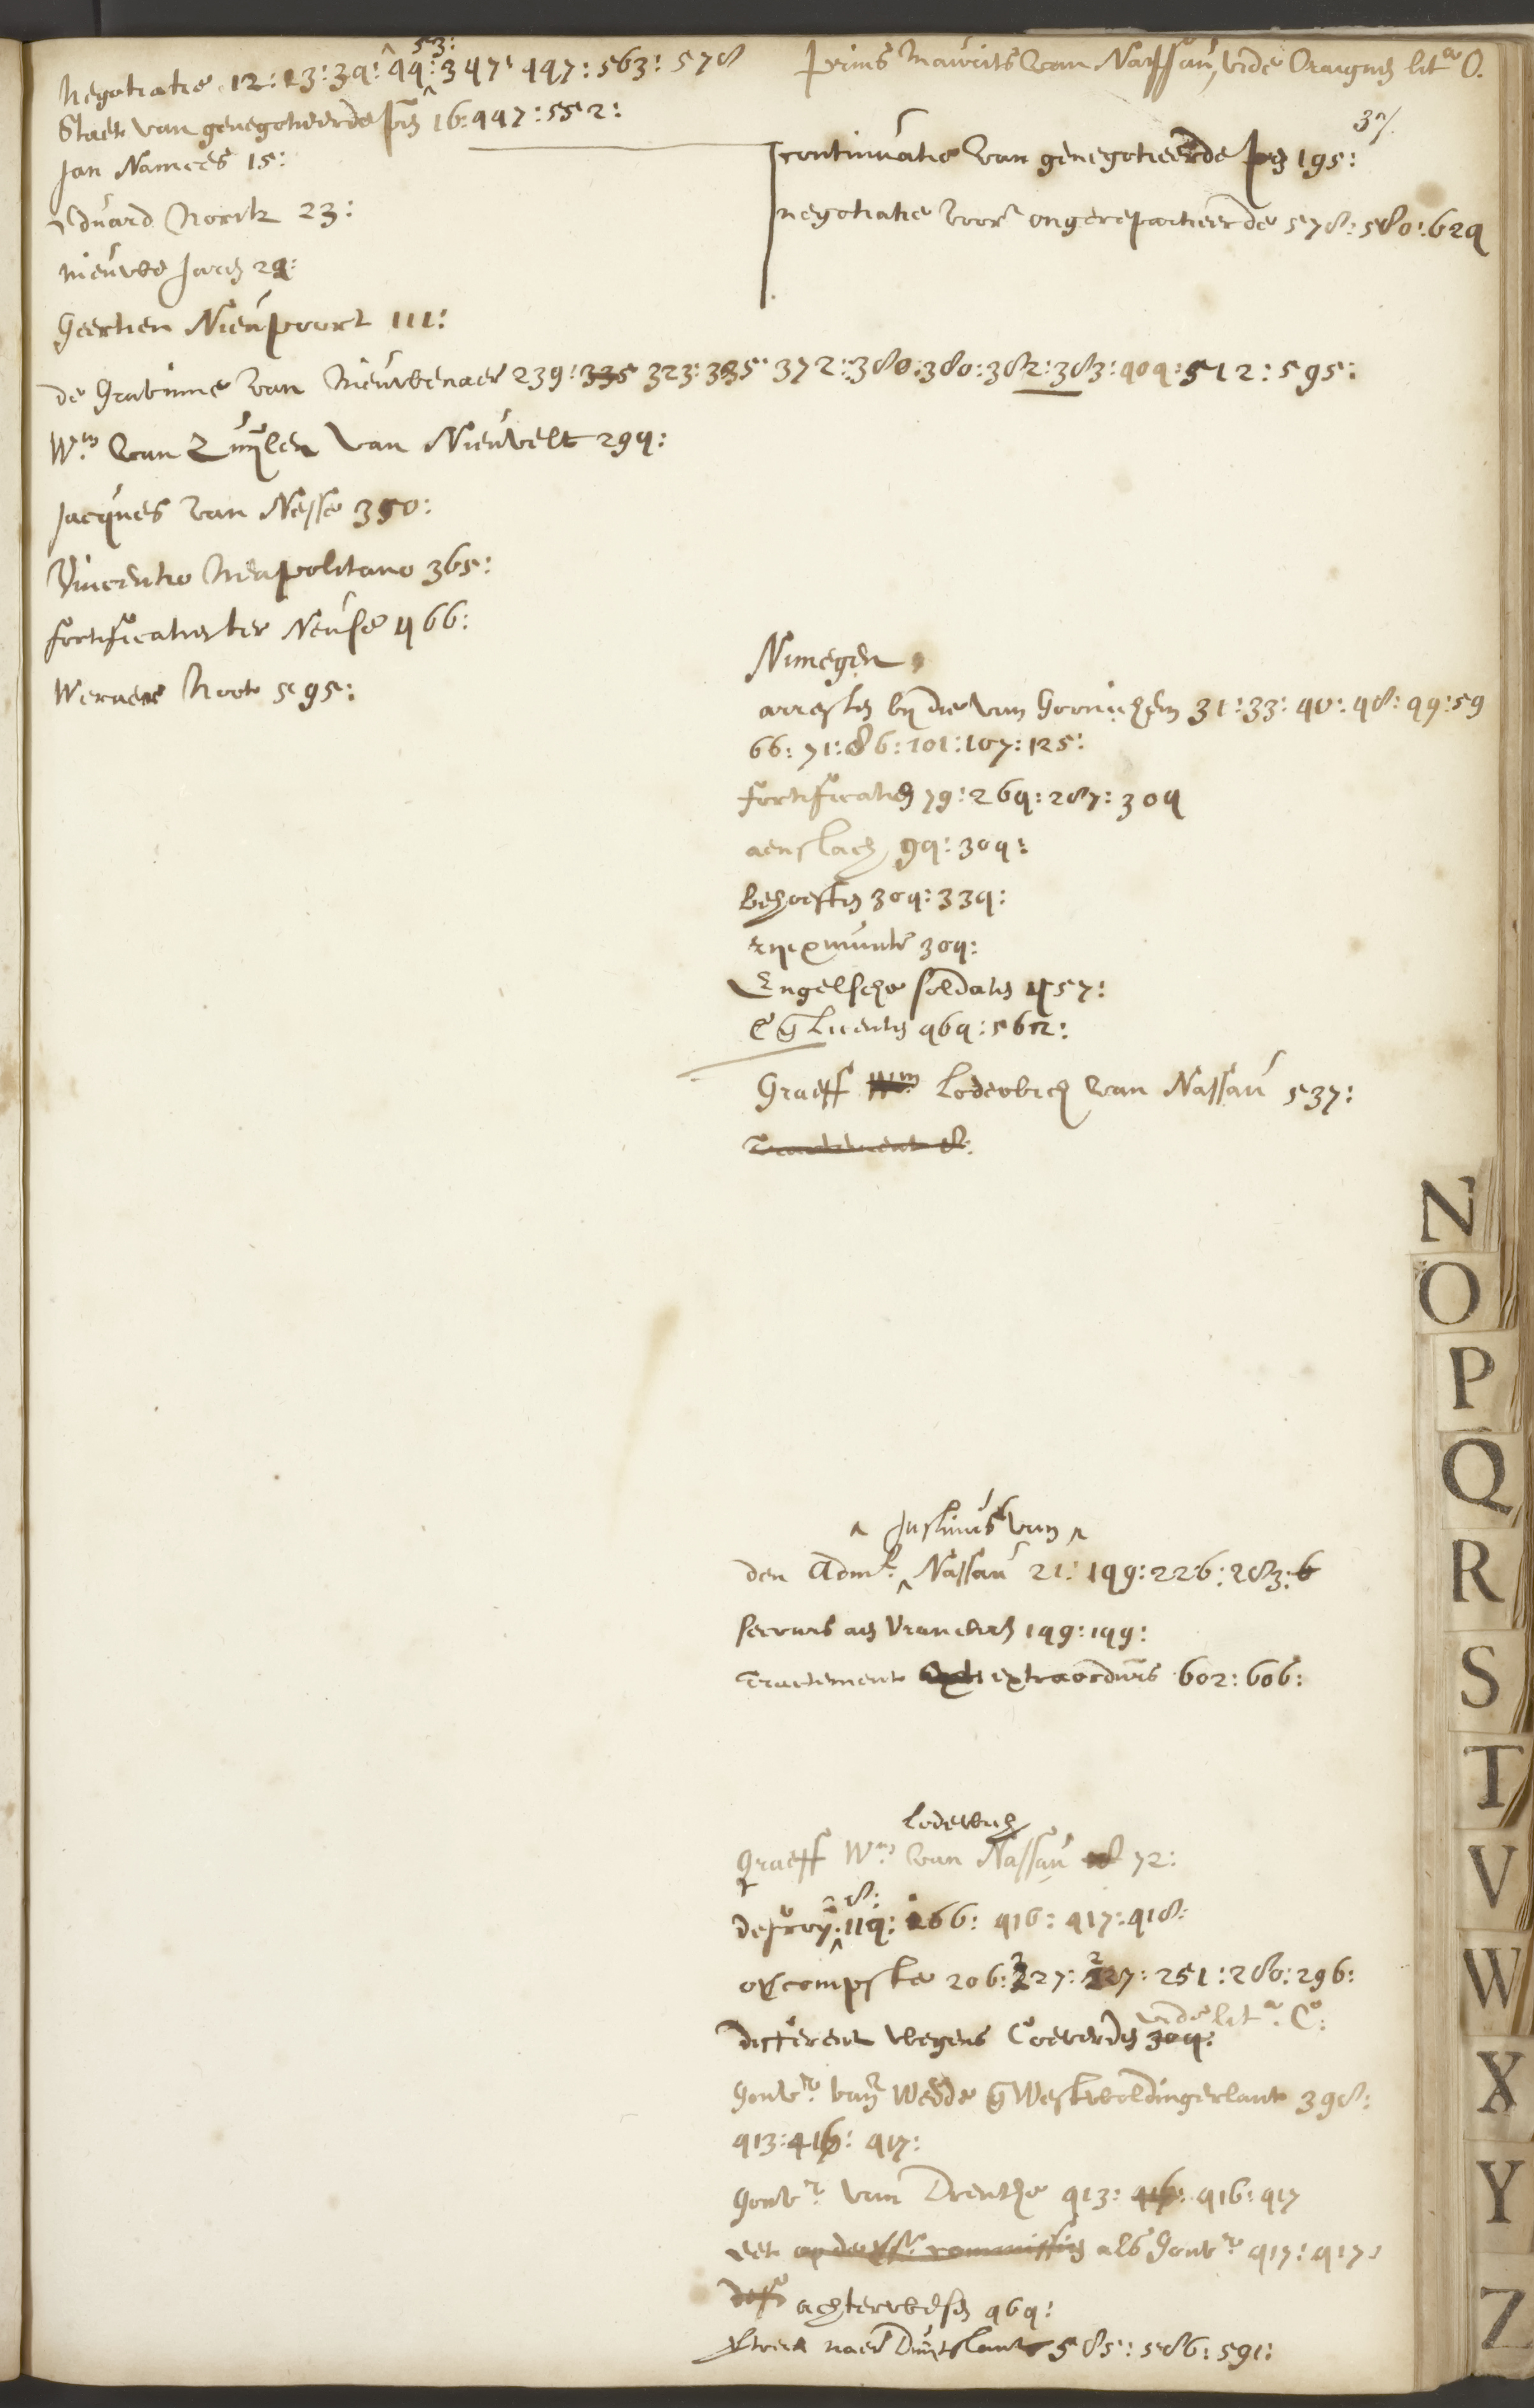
negotiatie 12: 13: 34: ^44:53:347: 447: 563: 578
Staet van genegotieerde pen 16: 447: 552:
jan Namces 15:
Eduard Noritz 23:
nieuwe Jaren 29:
Geertien Nieupoort 111:
de Gravinne van Nieuwenaar 239: 335 323: 335: 372: 380: 382: 383: 404: 512, 595:
Wm. van Zuijlen van Nieuvelt 294:
jacques van Nesse 350:
Vincentio Neapolitano 365:
fortificatien ter Neuse 466:
Weraer Noot 595:
Prins maurits van Nassau, vide Oraignen lita O.
continuatie van genegotieerde pen 195:
negotiatie voor ongerepartieerde 578: 580: 624
37
Nimegen
arresten bij die van Gorinchem 31: 33: 40: 48: 49: 59
66: 71: 86: 101: 107: 125:
fortifictien 79: 264: 287: 304
aenslach 94: 304:
behoeften 304: 334:
rijcxmunte 304:
Engelsche soldaten 457:
C & Licenten 464: 562:
Graeff Wm. Lodewich van Nassau 537:
Tractement 8:
^ justinus van ^
den Adml. ^ Nassau 21: 149: 226: 283: 6
secours aen Vranckrk 149: 149:
Tractement Exts extraordnrs 602: 606:
lodewich
graeff Wm. van Nassau 18 72:
defroy.^8 119: 266: 416: 417: 418:
ovcompste 206: 2227: 2227: 251: 280: 296:
dicteren wegens Coeverden 304: vide lita. Co:
gouvr. van Wedde & Westwoldingerlant 398:
413: 416: 417:
gouvr. van Drenthe 413: 416: 416: 417
eet op den vs commissien als gouvr. 417: 417:
desr achterwesen 464:
vtreck naer Duijtslant 585: 586: 591:
